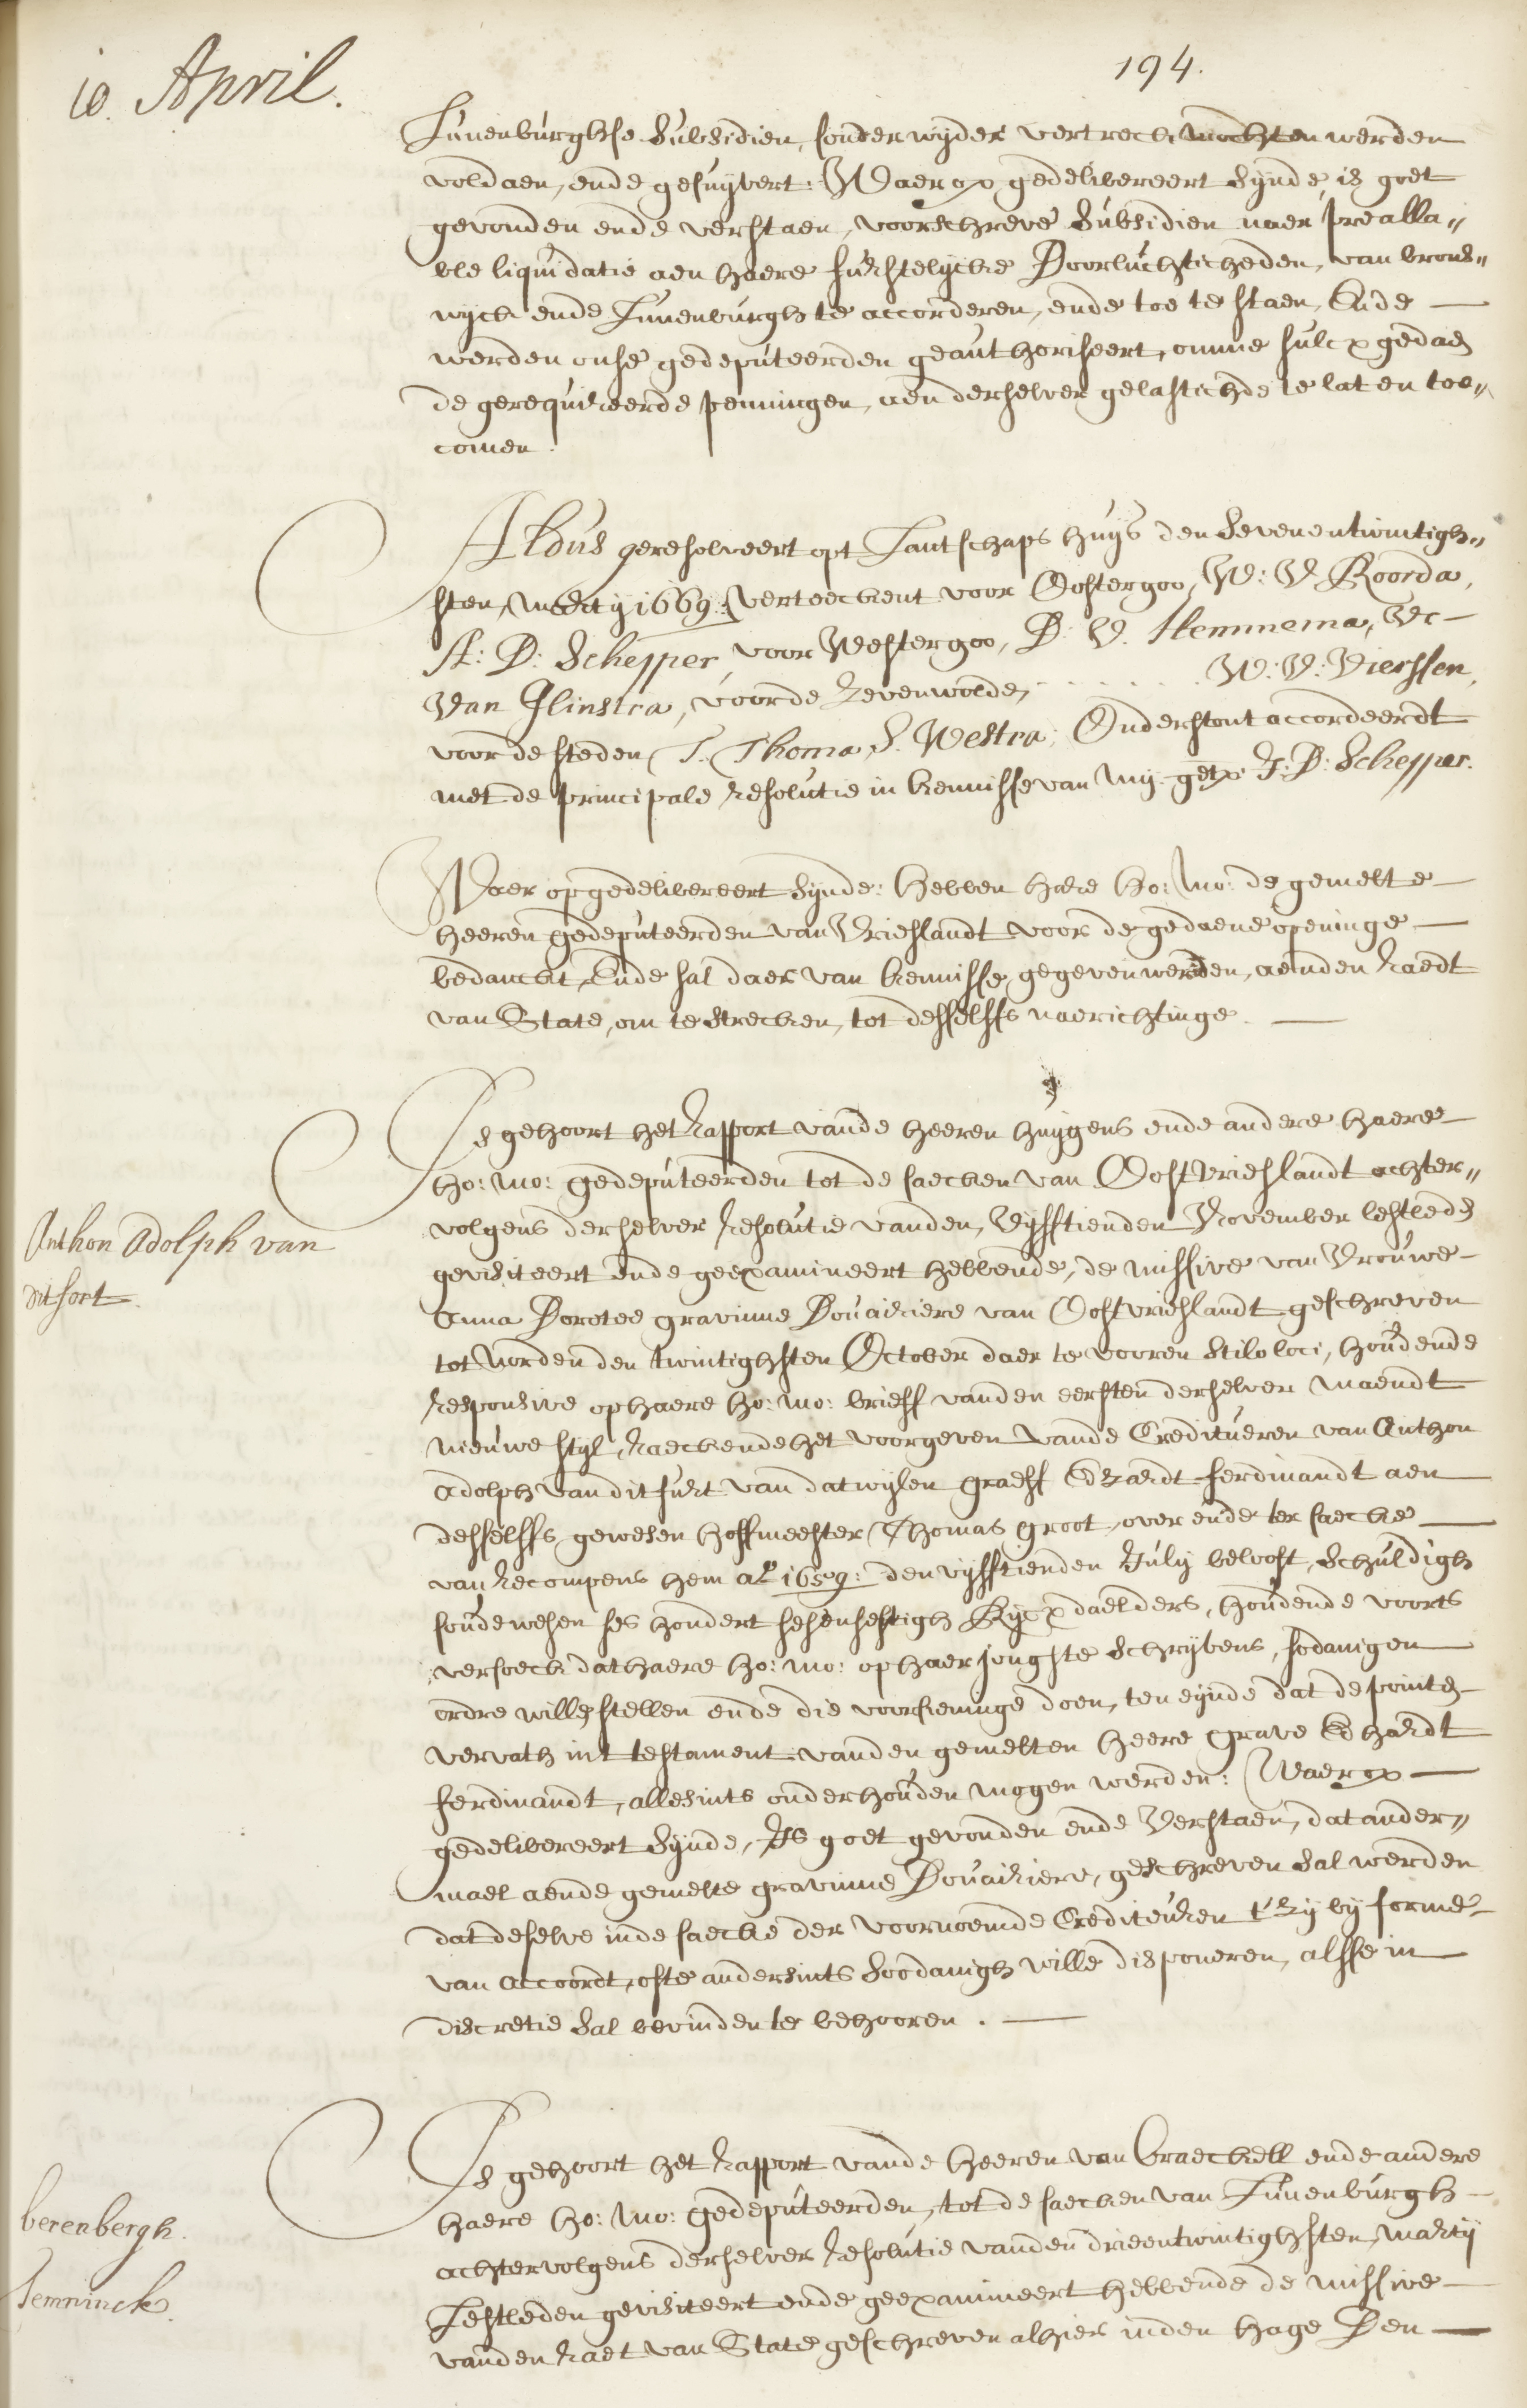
194
10 April.
Lunenburghse Subsidien, sonder wijder vertreck mochten werden
voldaen, ende gesuijvert: Waerop gedelibereert Sijnde is goet
gevonden ende verstaen, voorschreve Subsidien naer prealla,,
ble liquidatie aen haere furstelijcke Doorluchticheden, van bruns„
wijck ende Lunenburgh te accorderen, ende toe te staen, Ende —
werden onse gedeputeerden geauthoriseert, omme sulcx gedaen
de gerequiereerde penningen, aen derselver gelastichde te laten toe„
comen.
Aldus geresolveert opt Lantschaps huijs den Sevenentwintigh,,
sten, meertij 1669. Verteeckent voor Oostergoo W: V. Roorda
A:D: Schepper, voor Westergoo, D: V. Hemmema, V —
van Glinstra, voorde Zevenwolden . . . . . . W:V: Vierssen
voor de steden T. Thoma, S. Westra; Onderstont accordeerdt
met de principale resolutie in kennisse van mij getk. J.D: Schepper.
Waer op gedelibereert sijnde: hebben hare Ho:Mo: de gemelte —
Heeren gedeputeerden van Vrieslandt voor de gedaene openinge —
bedanckt, Ende sal daer van kennisse, gegeven werden, aenden Raedt
van State, om te strecken, tot desselffs naerichtinge. —
Anthon Adolph van
ditfort.
Is gehoort het rapport vande heeren Huijgens ende andere haere
Ho:Mo: gedeputeerden tot de saecken van Oostvrieslandt achter,,
volgens derselver resolutie vanden Vijfftienden November lestleden
gevisiteert ende geexamineert hebbende, de missive van Vrouwe —
Anna Dorotee gravinne Douairiere van Oostvrieslandt geschreven
tot Norden den twintighsten October daer te vooren Stilo loci, houdende
responsive op haere Ho:Mo: brieff vanden eersten derselven maendt
nieuwe stijl, raeckende het voorgeven vande Creditueren van Anthon
adolph van ditfurt van dat wijlen graeff Edzardt ferdinandt aen
desselffs gewesen Hoffmeester Thomas Groot, over ende ter saecke —
van recompens hem ao 1659: den vijfftienden Julij belooft, Schuldigh
soude wesen ses hondert sesensestigh Rijcxdaelders, houdende voorts
versoeck dat haere Ho:Mo: op haer jongste schrijvens, sodanigen
ordre wille stellen ende die voorsieninge doen, ten eijnde dat de pointen
vervath int testament vanden gemelten Heere Grave Edhardt
ferdinandt, allesints onderhouden mogen werden: Waerop —
gedelibereert Sijnde: Is goet gevonden ende Verstaen, dat ander„
mael aende gemelte gravinne Douairiere, geschreven sal werden
dat deselve inde saecke der voornoemde Crediteuren t'zij bij forme
van accoordt, ofte andersints soodanigh wille disponeren, alsse in —
discretie sal bevinden te behooren.
berenbergh.
Temninck.
Is gehoort het rapport vande Heeren van Braeckell ende andere
haere Ho:Mo: gedeputeerden, tot de saecken van Lunenburgh —
achtervolgens derselver resolutie vanden drieentwintighsten, martij
Lestleden gevisiteert ende geexamineert hebbende de missive
vanden raet van State geschreven alhier in den Hage Den —
